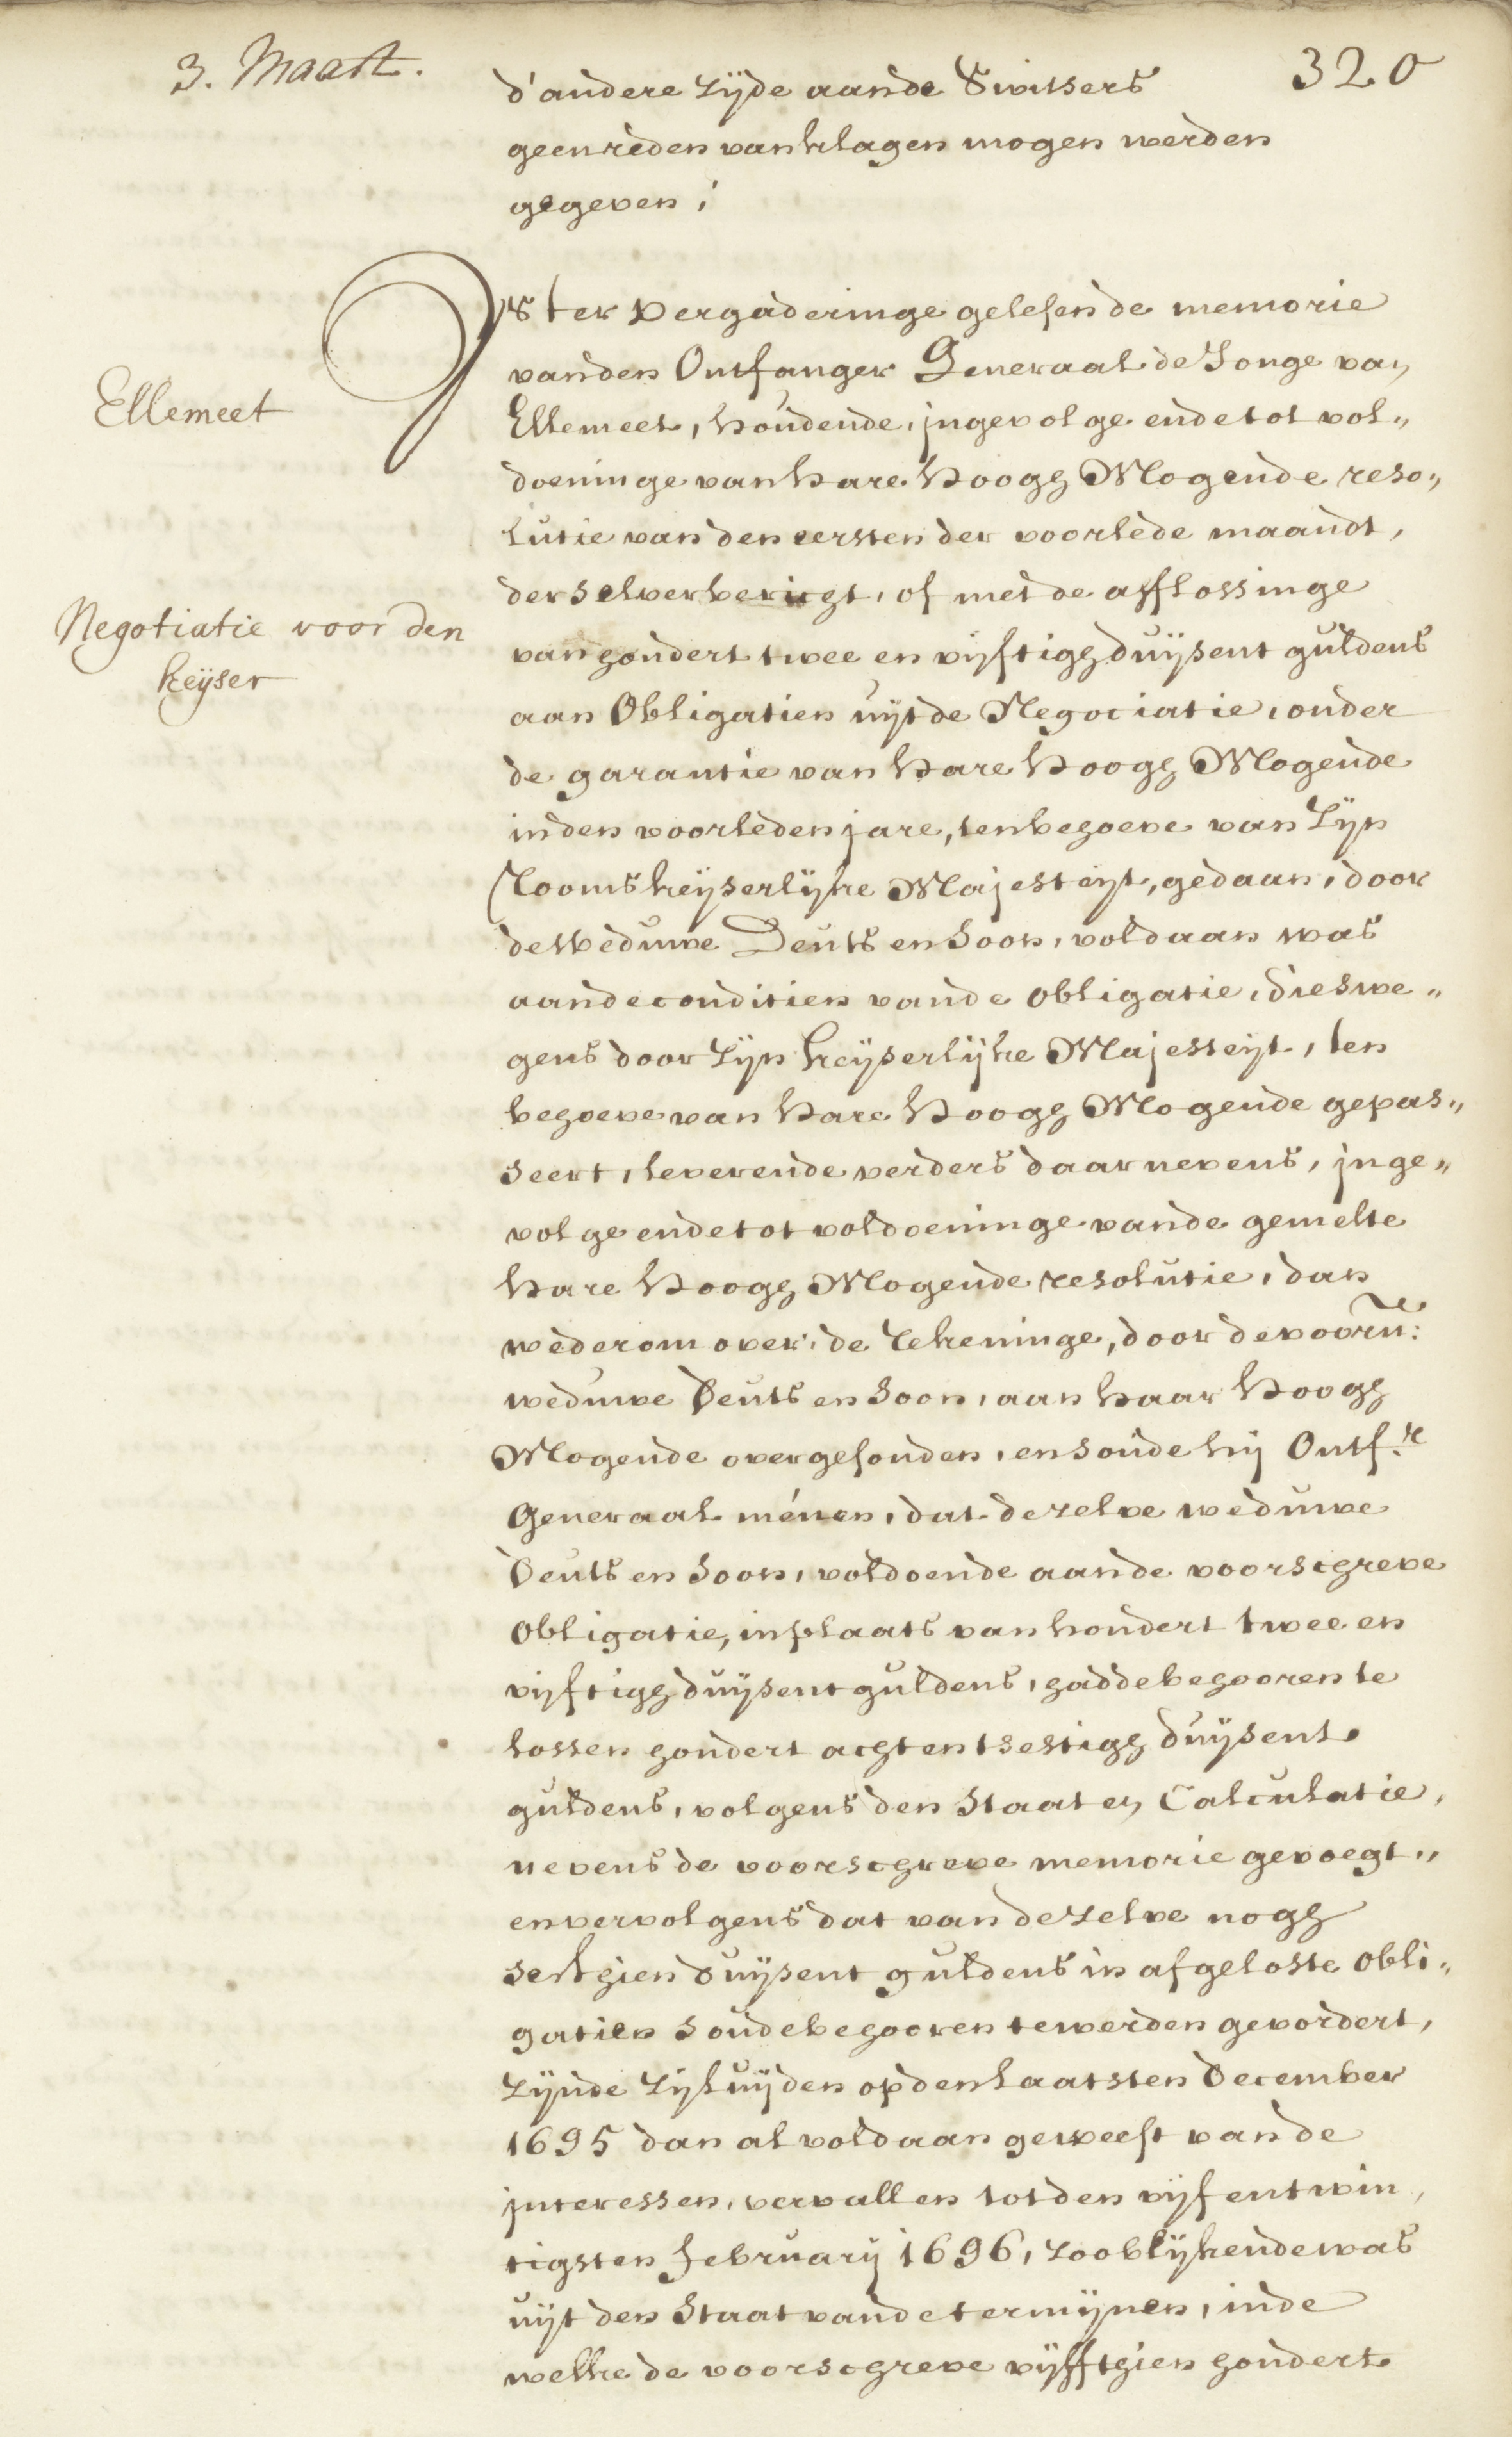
320
3. Maart.
d'andere zijde aande Switsers
geen reden van klagen mogen werden
gegeven.
Ellemeet
Negotiatie voor den
keijser
Is ter vergaderinge gelesen de memorie
vanden Ontfanger Generaal de Jonge van
Ellemeet, houdende, ingevolge ende tot vol„
doeninge van hare Hoogh Mogende reso,
lutie van den eersten der voorlede maandt
derselver bericht, of met de afflossinge
van hondert twee en vijftighduijsent guldens
aan Obligatien uijt de Negociatie, onder
de garantie van hare Hoogh Mogende
inden voorleden jare, ten behoeve van zijn
roomskeijserlijke Majesteijt, gedaan, door
de weduwe Deuts en soon, voldaan was
aande conditien vande obligatie, dieswe„
gens door zijn keijserlijke Majesteijt, ten
behoeve van hare Hoogh Mogende gepas„
seert, leverende verders daar nevens, inge„
volge ende tot voldoeninge vande gemelte
hare Hoogh Mogende resolutie, dan
wederom over de rekeninge, door de voorn:
weduwe Deuts en soon, aan haar Hoogh
Mogende overgesonden, en soude hij Ontfr.
Generaal menen dat dezelve weduwe
Deuts en soon, voldoende aande voorschreve
Obligatie, in plaats van hondert twee en
vijftighduijsent guldens, hadde behooren te
lossen hondert achten sestigh duijsent
guldens, volgens den Staat en Calculatie,
nevens de voorschreve memorie gevoegt„
en vervolgens dat van dezelve nogh
sesthien duijsent guldens in afgeloste obli„
gatien soude behooren te werden gevordert,
zijnde zijluijden op den laatsten December
1695 dan alvoldaan geweest van de
interessen, vervallen tot den vijfentwin
tigsten februarij 1696, zoo blijkende was
uijt den Staat vande termijnen, inde
welke de voorschreve vijffthien hondert
